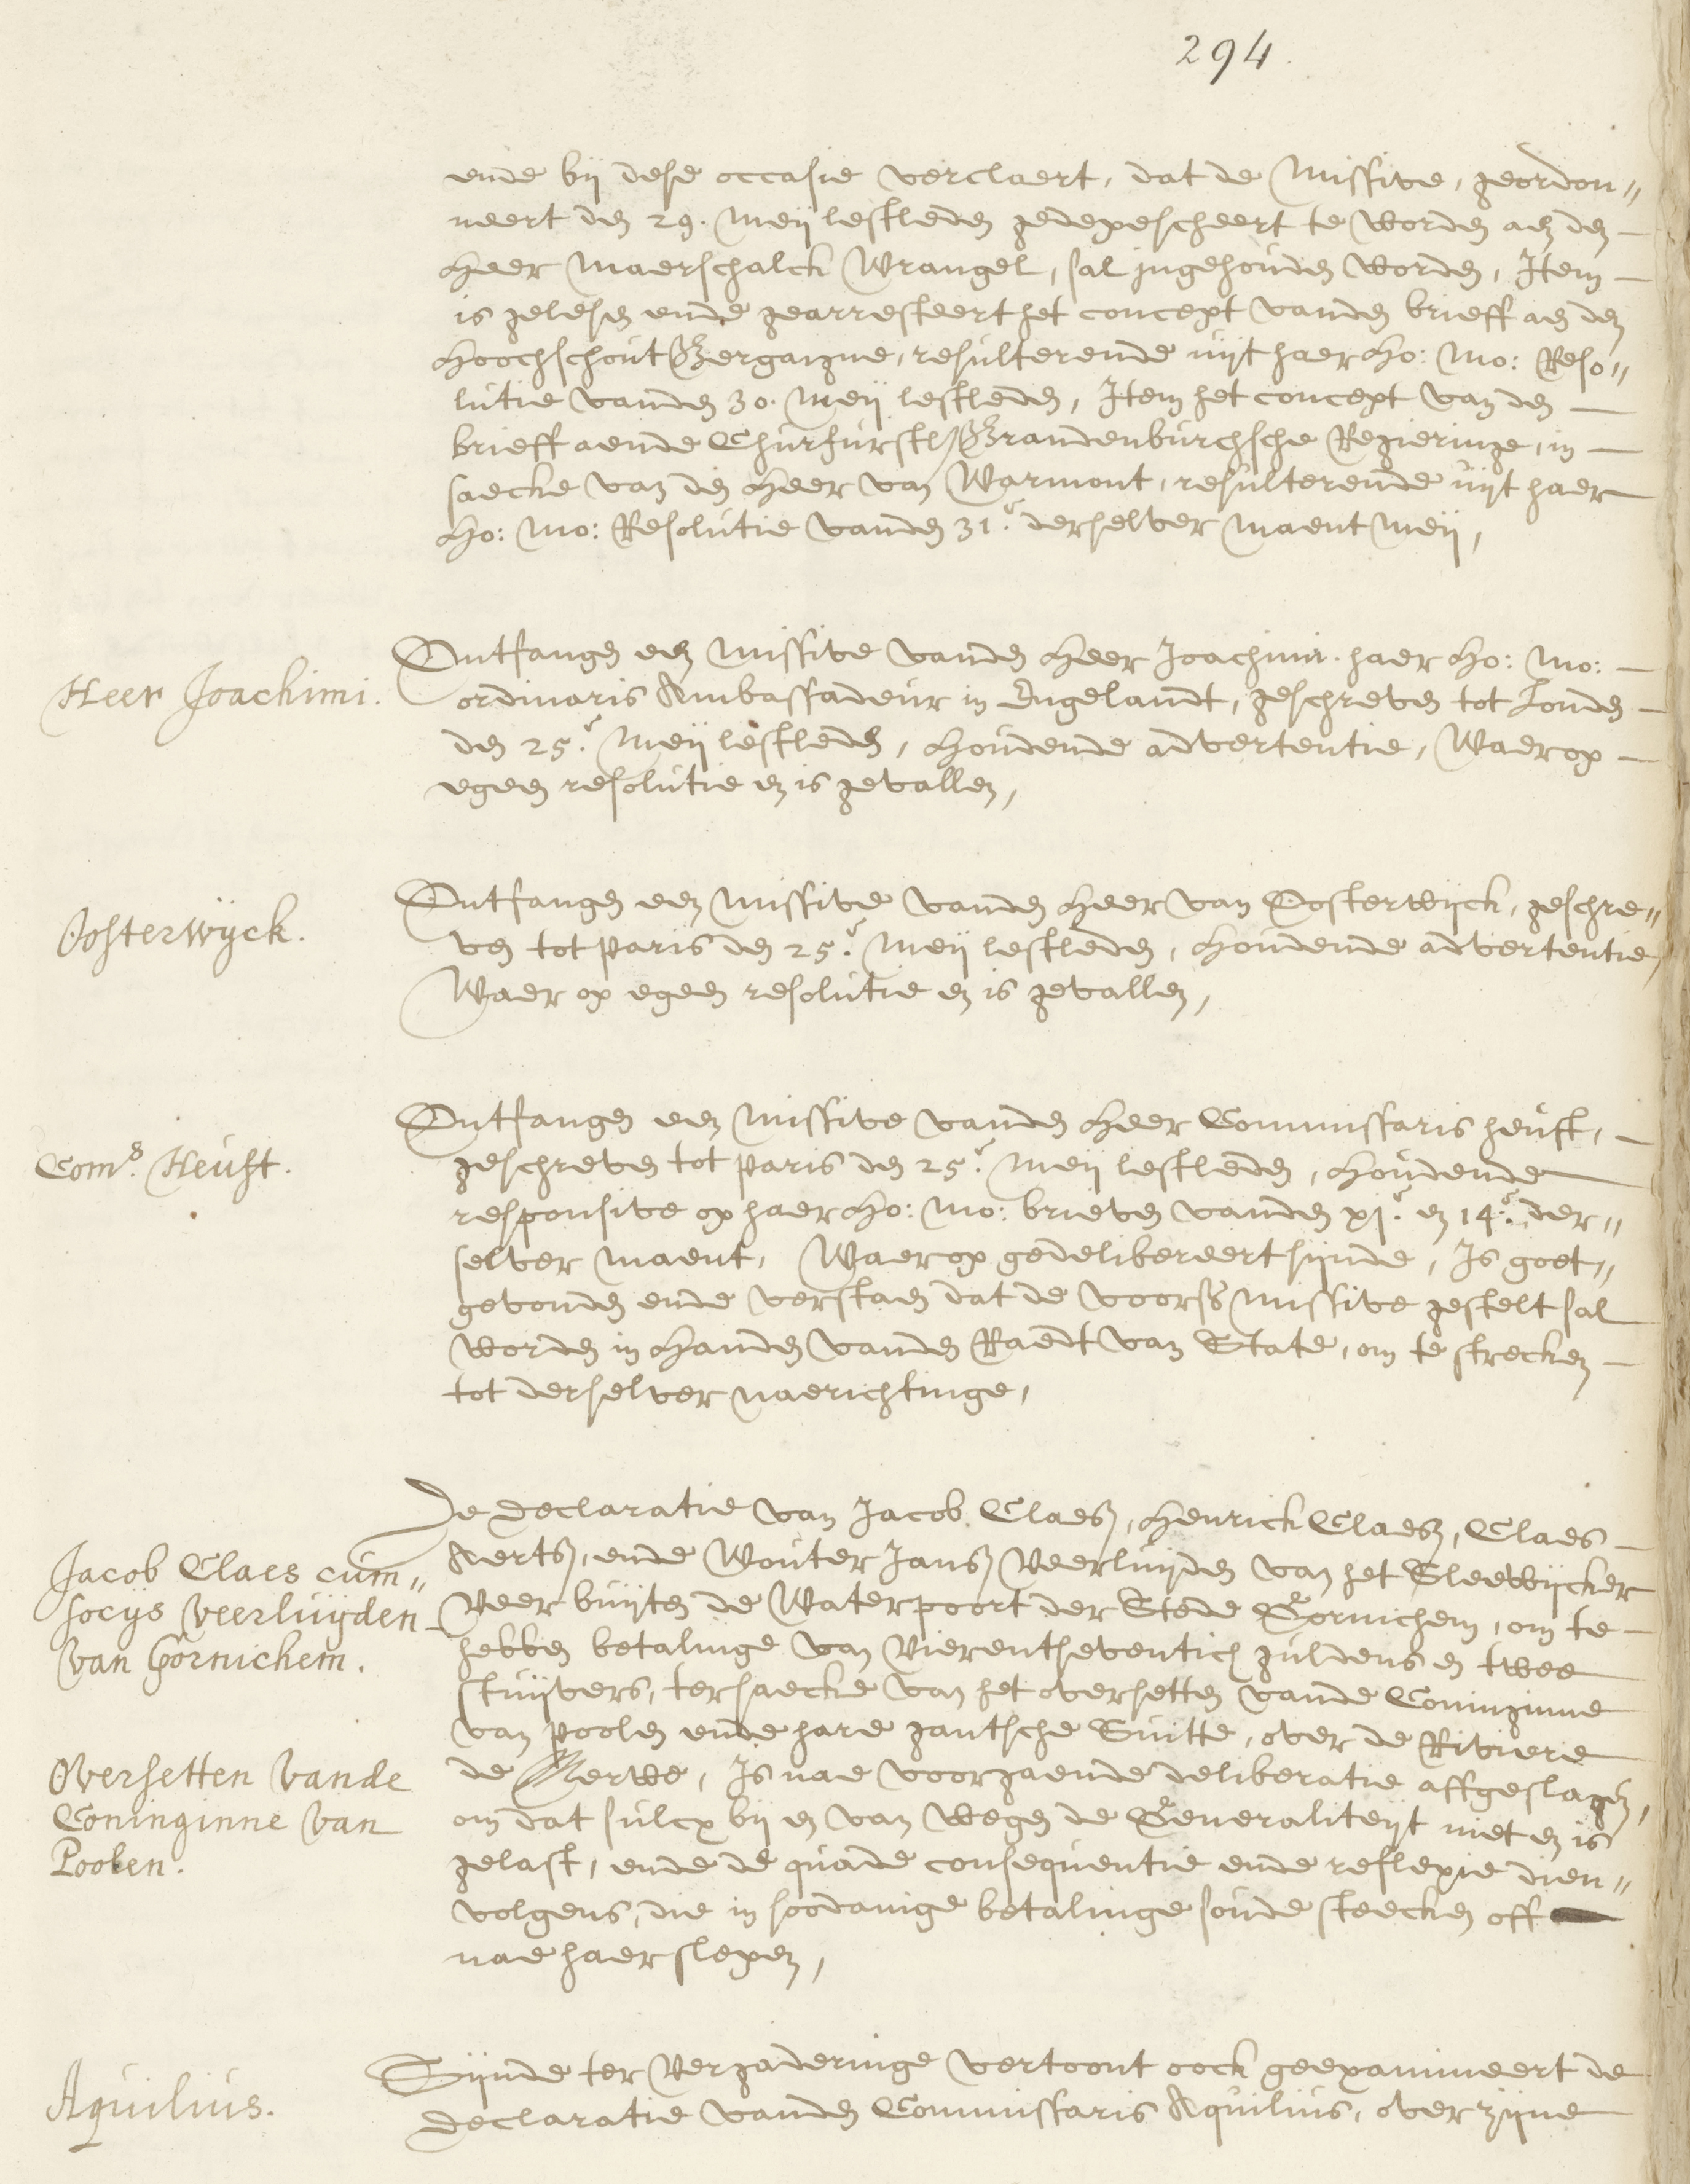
294.
ende bij dese occasie verclaert, dat de Missive, geordon„
neert den 29. meij lestleden gedepescheert te worden aen den —
heer maerschalck Wrangel, sal ingehouden worden. Item —
is gelesen ende gearresteert het concept vanden brieff aen den
hoochschout Bergaigne, resulterende uijt haer Ho:Mo: Reso„
lutie vanden 30. meij lestleden, Item het concept van den —
brieff aende Churfurstl Brandenburchsche Regieringe, in —
saecke van den heer van Warmont, resulterende uijt haer
Ho:Mo: Resolutie vanden 31e. derselver maent meij.
Heer Joachimi.
Ontfangen een missive vanden heer Joachimi, haer Ho:Mo: —
ordinaris Ambassadeur in Engelandt, geschreven tot Londen —
den 25e meij lestleden, houdende advertentie, Waerop —
egeen resolutie en is gevallen.
Oosterwijck.
Ontfangen een missive vanden heer van Oosterwijck, geschre„
ven tot paris den 25e. meij lestleden, houdende advertentie,
Waer op egeen resolutie en is gevallen.
Coms. Heuft.
Ontfangen een missive vanden heer Commissaris heuft, —
geschreven tot paris den 25e meij lestleden, houdende
responsive op haer Ho:Mo: brieven vanden xie. en 14e. der„
selver maent. Waerop gedelibereert sijnde, Is goet„
gevonden ende verstaen dat de voors missive gestelt sal
worden in handen vanden Raedt van State, om te strecken —
tot derselver naerichtinge.
Jacob Claes cum,,
socijs Veerluijden
van Gornichem.
Oversetten vande
Coninginne van
Poolen.
De declaratie van Jacob. Claesz, henrick Claesz, Claes —.
Aertsz, ende Wouter Jansz Veerluijden van het Sleewijcker
Veer buijten de Waterpoort der Stede Gornichem, om te —
hebben betalinge van vierentseventich guldens en twee
stuijvers, ter saecke van het oversetten vande Coninginne
van Poolen ende hare gantsche Suitte, over de Riviere
de Merwe, Is nae voorgaende deliberatie affgeslagen,
om dat sulcx bij en van wegen de Generaliteyt niet en is
gelast, ende de quade consequentie ende reflexie dien„
volgens, die in soodanige betalinge soude steecken off —
nae haer slepen.
Aquilius.
Sijnde ter Vergaderinge vertoont oock geexamineert de
Declaratie vanden Commissaris Aquilius, over zijne
